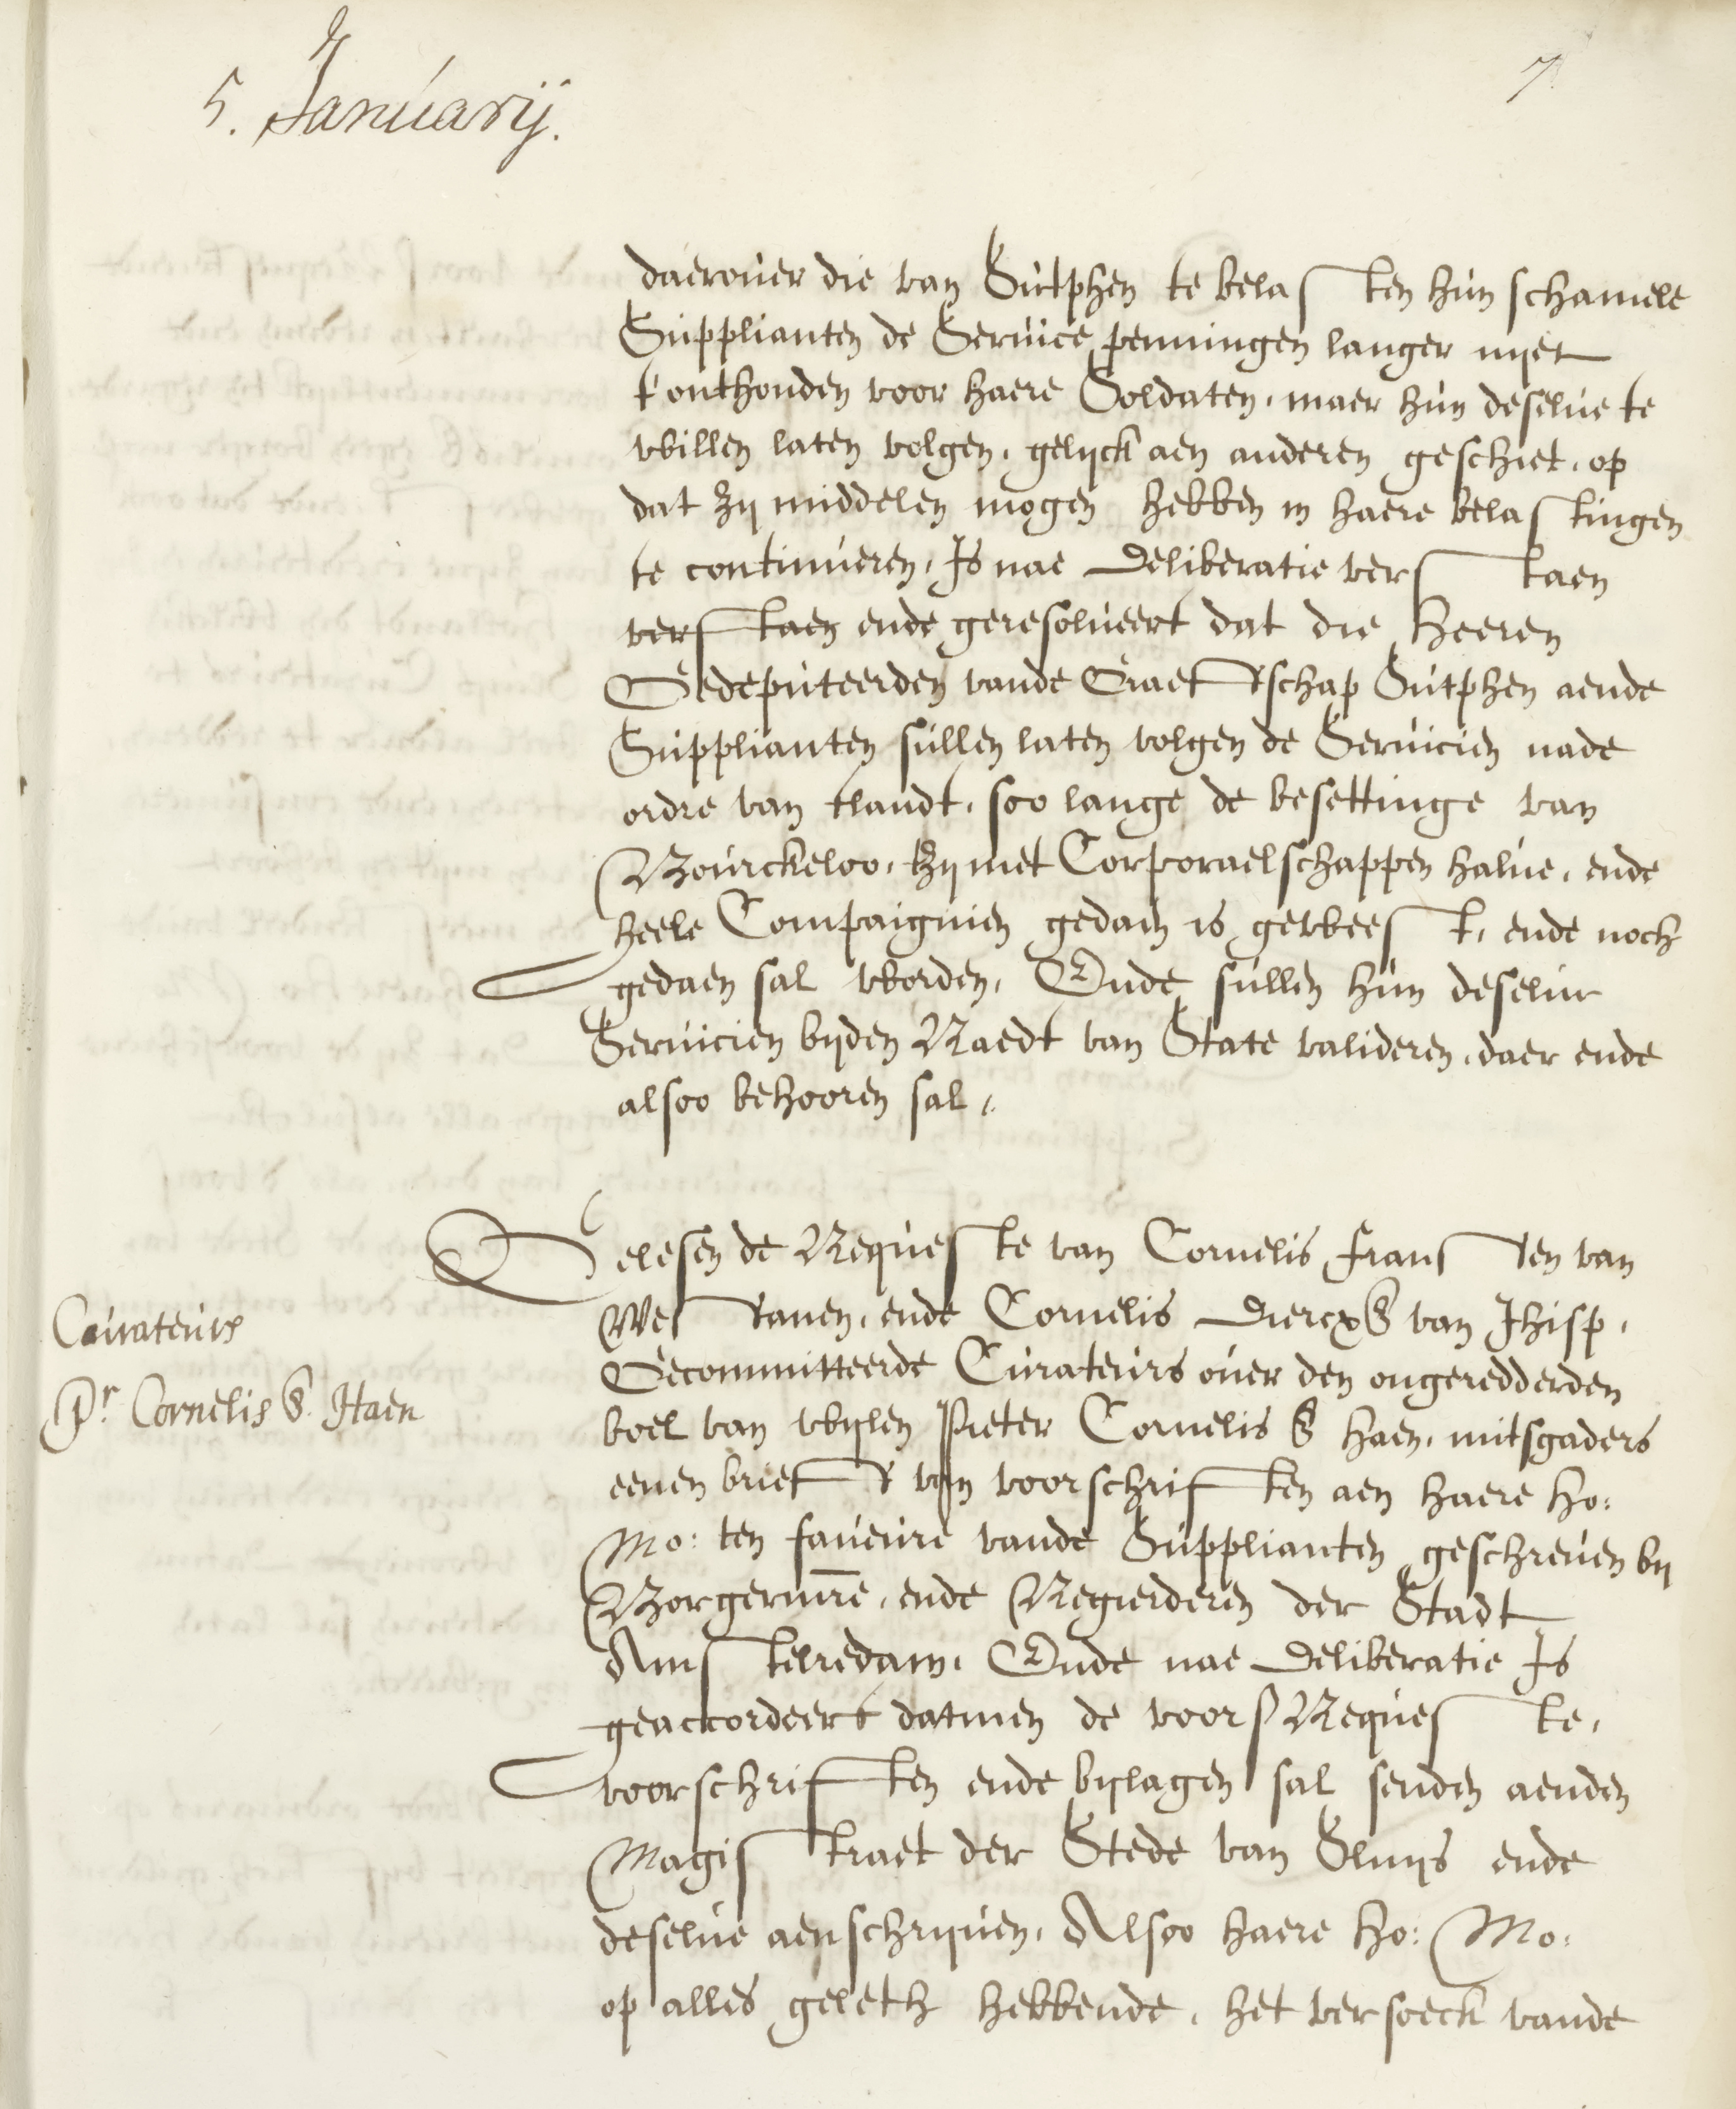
7.
5. Januarij.
daervuer die van Sutphen te belasten hun schamele
Supplianten de Seruice penningen langer nyet
t'onthouden voor haere Soldaten, maer hun deselue te
willen laten volgen, gelyck aen anderen geschiet, op
dat zy middelen mogen hebben in haere belastingen
te continueren, Is nae Deliberatie verstaen
verstaen ende geresolueert dat die heeren
Gedeputeerden vande Graefschap Sutphen aende
Supplianten sullen laten volgen de Seruicien nade
ordre van tlandt, soo lange de besettinge van
Bourckeloo, tzy met Corporaelschappen halue, ende
heele Compaignien gedaen is geweest, ende noch
gedaen sal worden. Ende sullen hun deselue
seruicien bijden Raedt van State valideren, daer ende
alsoo behooren sal.
Curateurs
Pr. Cornelisz Haen
Gelesen de Requeste van Cornelis Franssen van
Wessanen, ende Cornelis Diercxs van Jhisp,
Gecommitteerde Curateurs ouer den ongeredderden
boel van wylen Pieter Cornelisz Haen, mitsgaders
eenen brieff van voorschriften aen haere Ho:
Mo: ten faveure vande Supplianten geschreuen bij
Borgermre ende Regierderen der Stadt
Amstelredam. Ende nae deliberatie Is
geaccordeert datmen de voors Requeste,
voorschriften ende bylagen sal senden aenden
Magistraet der Stede van Sluys ende
deselue aenschryuen. Alsoo haere Ho:Mo:
op alles geleth hebbende, het versoeck vande
